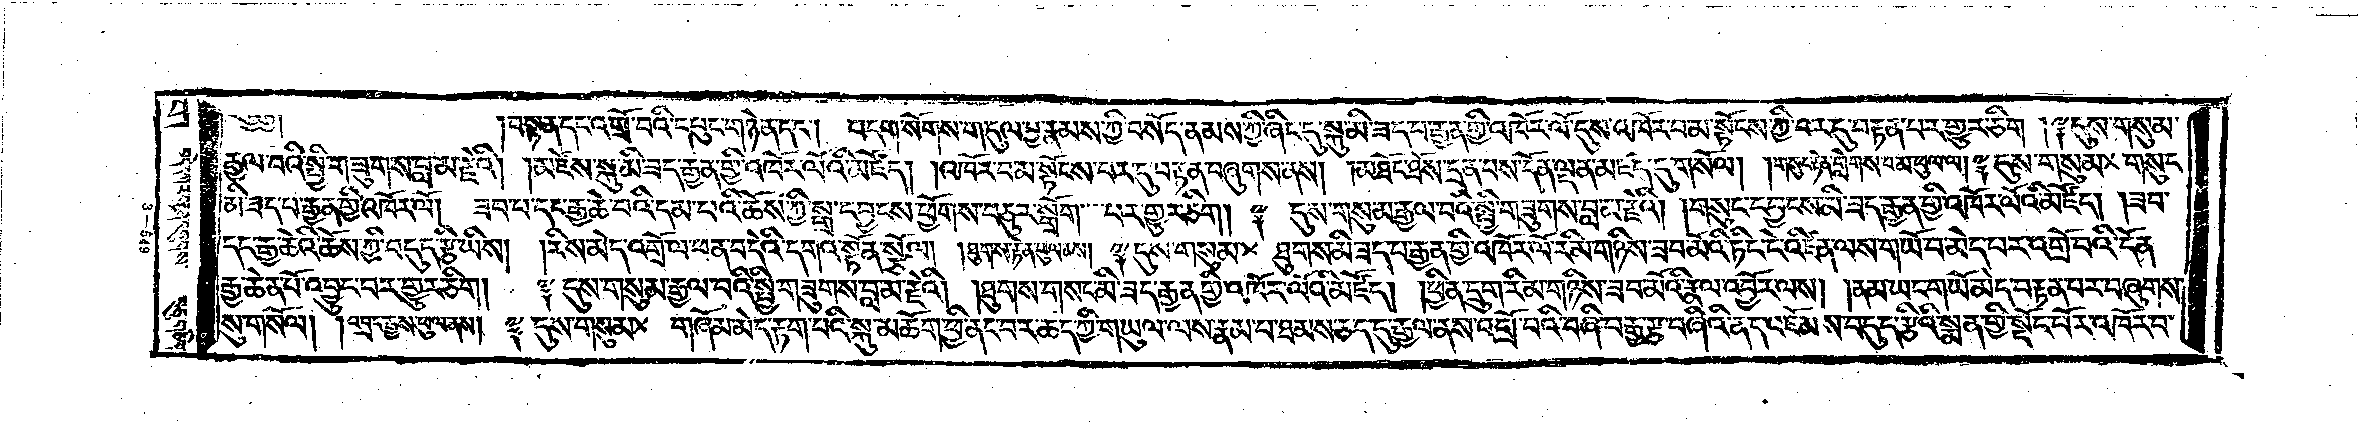༄༅། །བསྟན་དང་འགྲོ་བའི་དཔུང་གཉེན་དང་། བདག་སོགས་གདུལ་བྱ་རྣམས་ཀྱི་བསོད་ནམས་ཀྱི་ཞིང་དུ་སྐུ་མི་ཟད་པ་རྒྱན་གྱི་འཁོར་ལོ་དུས་འཁོར་བ་མ་སྟོངས་ཀྱི་བར་དུ་བརྟན་པར་གྱུར་ཅིག ། ༈ དུས་གསུམ་
རྒྱལ་བའི་སྤྱི་གཟུགས་བླ་མ་རྗེའི། །མཛེས་སྐུ་མི་ཟད་རྒྱན་གྱི་འཁོར་ལོའི་མཛོད། །འཁོར་བམ་སྟོངས་པར་དུ་བརྟན་བཞུགས་ནས། །མཐོང་ཐོས་དྲན་པས་དོན་ལྡན་མཛད་དུ་གསོལ། །གསུང་རྟེན་གླེགས་བམ་ཕུལ་ལ།  ༈ དུས་གསུམ་྾་གསུང་
མི་ཟད་པ་རྒྱན་གྱི་འཁོར་ལོ། ཟབ་པ་དང་རྒྱ་ཆེ་བའི་དམ་པའི་ཆོས་ཀྱི་སྒྲ་དབྱངས་ཕྱོགས་བཅུར་སྒྲོག་པར་གྱུར་ཅིག ། ༈ དུས་གསུམ་རྒྱལ་བའི་སྤྱི་གཟུགས་བླ་མ་རྗེའི། །གསུང་དབྱངས་མི་ཟད་རྒྱན་གྱི་འཁོར་ལོའི་མཛོད། །ཟབ་
དང་རྒྱ་ཆེའི་ཆོས་ཀྱི་བདུད་རྩི་ཡིས། །རིས་མེད་འགྲོ་ལ་ཕན་བདེའི་དགའ་སྟོན་སྩོལ། །ཐུགས་རྟེན་ཕུལ་ནས།  ༈ དུས་གསུམ་྾་ཐུགས་མི་ཟད་པ་རྒྱན་གྱི་འཁོར་ལོ་རིམ་གཉིས་ཟབ་མོའི་ཏིང་ངེ་འཛིན་ལས་གཡོ་བ་མེད་པར་འགྲོ་བའི་དོན་
རྒྱ་ཆེན་པོ་འབྱུང་བར་གྱུར་ཅིག ། ༈ དུས་གསུམ་རྒྱལ་བའི་སྤྱི་གཟུགས་བླ་མ་རྗེའི། །ཐུགས་གསང་མི་ཟད་རྒྱན་གྱི་འཁོར་ལོའི་མཛོད། །ཕྱིན་དྲུག་རིམ་གཉིས་ཟབ་མོའི་རྣལ་འབྱོར་ལས། །ནམ་ཡང་གཡོ་མེད་བརྟན་པར་བཞུགས་
སུ་གསོལ། །འབྲང་རྒྱས་ཕུལ་ནས།  ༈ དུས་གསུམ་྾་གཞོམ་མེད་རྟག་པའི་སྐུ་མཆོག་ཕྱི་ནང་པར་ཆད་ཀྱི་གཡུལ་ལས་རྣམ་པ་ཐམས་ཅད་དུ་རྒྱལ་ནས་འཕྲོ་བའི་བཞི་བརྒྱ་རྩ་བཞིའི་ནད་འཇོམས་བདུད་རྩིའི་སྨན་གྱི་སྡོང་པོར་འཁོར་བ་